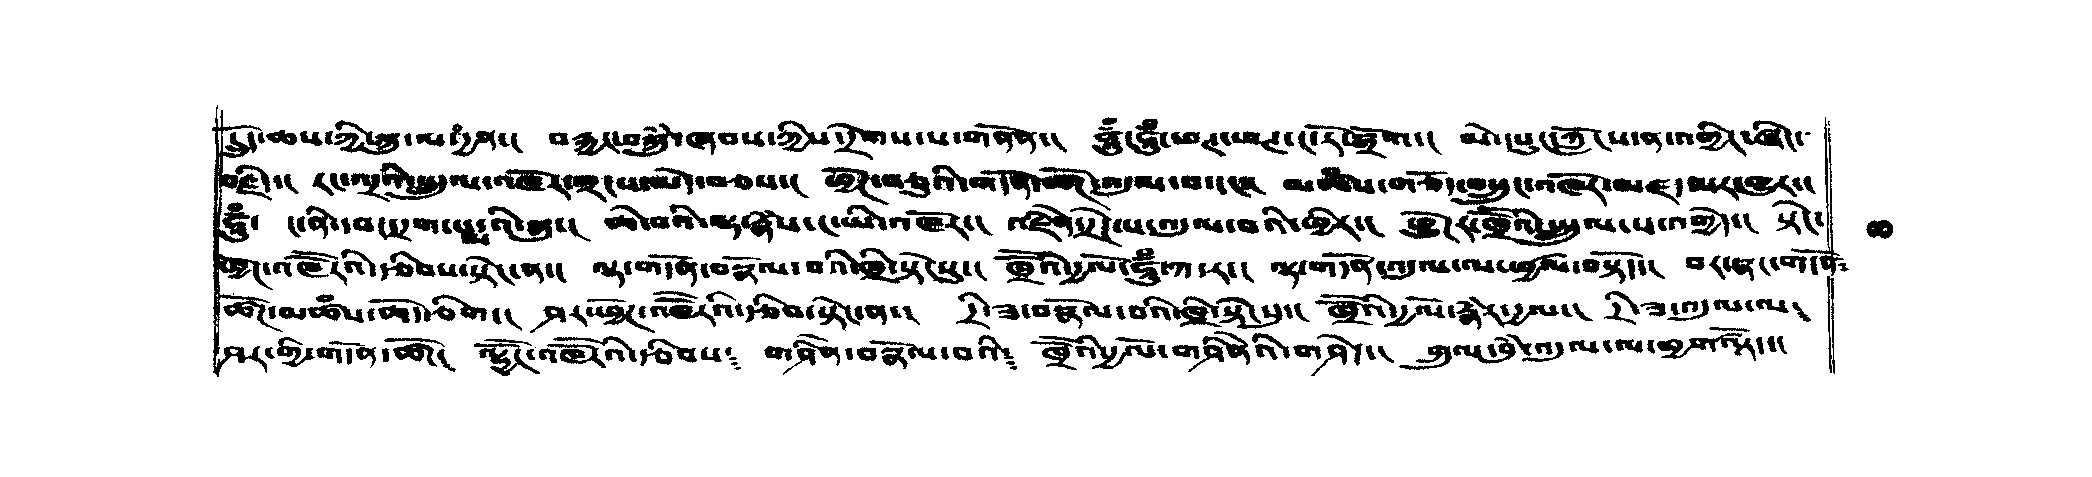དུར་ཁྲོད་ཆས་ཀྱི་སྐུ་ཀ་བརྒྱན། །བརྐྱང་བསྐུམ་ཞབས་ཀྱི་དྲེགས་པ་གནོན། །ཧཱུྃ་ཧཱུྃ་ཕཊ་ཕཊ་ང་རོ་སྒྲོག་།མེ་དཔུང་ཀློང་ན་འགྱིང་ཞིང་
བརྗིད། །རང་འདྲའི་སྤྲུལ་འཁོར་གྲངས་མེད་བཅས། །ཕྱོགས་བཅུའི་གདོན་ཚོགས་འདུལ་བ་དང་། །མཚམས་གཅོད་བསྲུང་འཁོར་མཛད་པར་གྱུར། །
ཧཱུྃ། ང་ནི་དབང་དྲག་པདྨའི་སྐུ། །ཆེ་བའི་ལྷ་རྣམས་ང་ཡི་འཁོར། །འཇིག་རྟེན་དྲེགས་པ་འདུལ་བའི་ཕྱིར། །ཕྱོགས་བཅུར་ཁྲོ་བོའི་སྤྲུལ་པ་འགྱེད། །སྟེང་
ཕྱོགས་འཁོར་ལོའི་རྩིབས་སྟེང་ན། །ལྷ་གདོན་བསྣོལ་བའི་ཁྲི་སྟེང་དུ། །ཁྲོ་བོའི་རྒྱལ་པོ་ཧཱུྃ་ཀ་ར། །ལྷ་གདོན་འདུལ་ལ་ཕྱག་འཚལ་བསྟོད། །བར་སྣང་གདོན་
ཚོགས་མཚམས་ཆོད་ཅིག་ཤར་ཕྱོགས་འཁོར་ལོའི་རྩིབ་སྟེང་ན། །དྲི་ཟ་བསྣོལ་བའི་ཁྲི་སྟེང་དུ། །ཁྲོ་བོའི་རྒྱལ་པོ་རྣམ་པར་རྒྱལ། །དྲི་ཟ་འདུལ་ལ་༴ 
ཤར་གྱི་གདོན་ཚོགས་༴ ལྷོ་ཕྱོགས་འཁོར་ལོའི་རྩིབས་༴ གཤིན་རྗེ་བསྣོལ་བའི་༴ ཁྲོ་བོའི་རྒྱལ་པོ་གཤིན་རྗེ་གཤེད། །གྲུལ་བུམ་འདུལ་ལ་ཕྱག་འཚལ་བསྟོད། །